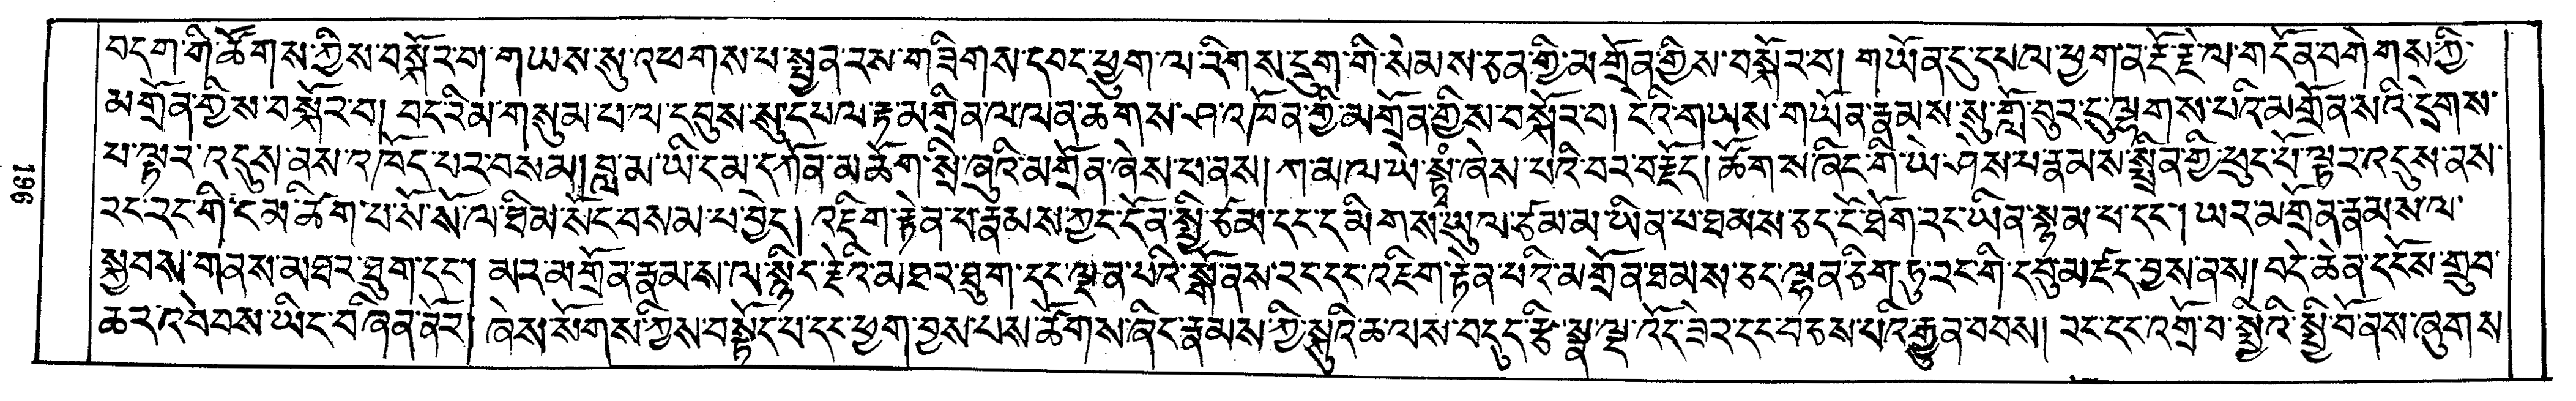བདག་གི་ཚོགས་ཀྱིས་བསྐོར་བ། གཡས་སུ་འཕགས་པ་སྤྱན་རས་གཟིགས་དབང་ཕྱུག་ལ་རིགས་དྲུག་གི་སེམས་ཅན་གྱི་མགྲོན་གྱིས་བསྐོར་བ། གཡོན་དུ་དཔལ་ཕྱག་ན་རྡོ་རྗེ་ལ་གདོན་བགེགས་ཀྱི་
མགྲོན་གྱིས་བསྐོར་བ། བང་རིམ་གསུམ་པ་ལ་དབུས་སུ་དཔལ་རྟ་མགྲིན་ལ་ལན་ཆགས་ཤ་འཁོན་གྱི་མགྲོན་གྱིས་བསྐོར་བ། དེའི་གཡས་གཡོན་རྣམས་སུ་གློ་བུར་དུ་ལྷགས་པའི་མགྲོན་སའི་དྲེགས་
པ་ལྟར་འདུས་ནས་འཁོད་པར་བསམ། བླ་མ་ཡི་དམ་དཀོན་མཆོག་སྲི་ཞུའི་མགྲོན་ཞེས་པ་ནས། ཀ་མ་ལ་ཡེ་སྟྭཾ་ཞེས་པའི་བར་བརྗོད། ཚོགས་ཞིང་གི་ཡེ་ཤེས་པ་རྣམས་སྤྲིན་གྱི་ཕུང་པོ་ལྟར་འདུས་ནས་
རང་རང་གི་དམ་ཚིག་བ་སོ་སོ་ལ་ཐིམ་སོང་བསམ་པ་བྱེད། འཇིག་རྟེན་པ་རྣམས་ཀྱང་དོན་སྤྱི་ཙམ་དང་དམིགས་ཡུལ་ཙམ་མ་ཡིན་པ་ཐམས་ཅད་ངོ་ཐོག་རང་ཡིན་སྙམ་པ་དང་། ཡར་མགྲོན་རྣམས་ལ་
སྐྱབས་གནས་མཐར་ཐུག་དང་། མར་མགྲོན་རྣམས་ལ་སྙིང་རྗེའི་མཐར་ཐུག་དང་ལྡན་པའི་སྒོ་ནས་རང་དང་འཇིག་རྟེན་པའི་མགྲོན་ཐམས་ཅད་ལྷན་ཅིག་ཏུ་རང་གི་དབུ་མཛད་བྱས་ནས། བདེ་ཆེན་དངོས་གྲུབ་
ཆར་འབེབས་ཡིད་བཞིན་ནོར། ཞེས་སོགས་ཀྱིས་བསྟོད་པ་དང་ཕྱག་བྱས་པས་ཚོགས་ཞིང་རྣམས་ཀྱི་སྐུའི་ཆ་ལས་བདུད་རྩི་སྣ་ལྔ་འོད་ཟེར་དང་བཅས་པའི་རྒྱུན་བབས། རང་དང་འགྲོ་བ་སྤྱིའི་སྤྱི་བོ་ནས་ཞུགས་